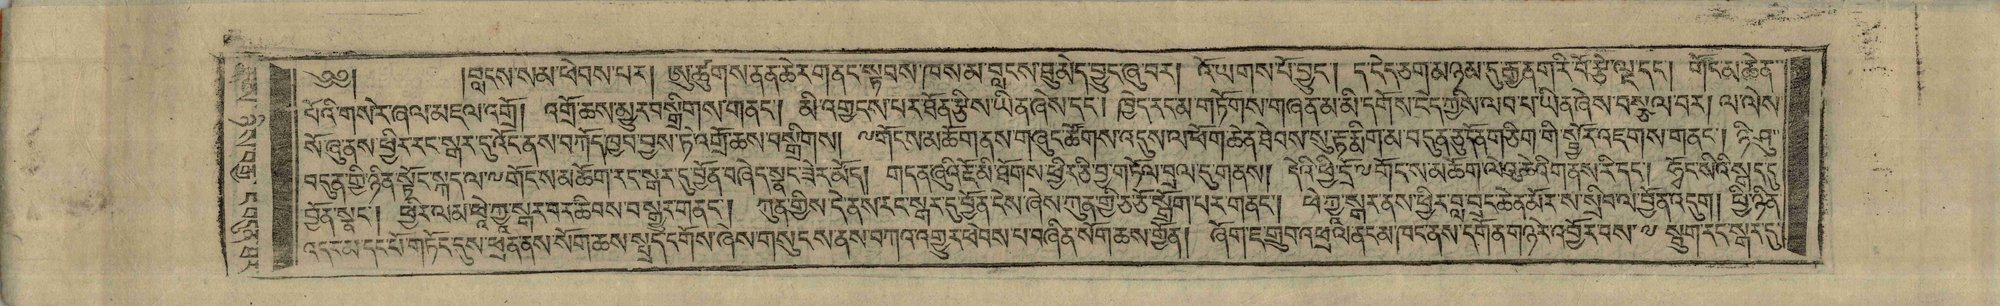༄༅། །བླངས་སམ་ཕེབས་པར། ཨུ་ཚུགས་ནན་ཆེར་གནང་སྟབས་ཁས་མ་བླངས་ཐུ་མེད་བྱུང་ཞུ་བར། འོ་ཡགས་པོ་བྱུང་། ད་ངེད་ཅག་མཉམ་དུ་རྒྱ་ནག་རི་བོ་རྩེ་ལྔ་དང་། གོང་མ་ཆེན་
པོའི་གསེར་ཞལ་མཇལ་འགྲོ། འགྲོ་ཆས་མྱུར་བསྒྲིགས་གནང་། མི་འགྱངས་པར་ཐོན་རྩིས་ཡིན་ཞེས་དང་། ཁྱེད་རང་མ་གཏོགས་གཞན་མ་མི་དགོས་ངེད་ཀྱིས་ལབ་པ་ཡིན་ཞེས་བསྩལ་བར། ལ་ལེས་
སོ་ཞུ་ནས་ཕྱིར་རང་སྒར་དུ་འོང་ནས་བཀོད་ཁྱབ་བྱས་ཏེ་འགྲོ་ཆས་བསྒྲིགས། ༧གོང་ས་མཆོག་ནས་གཞུང་ཚོགས་འདུས་ལ་ཕོག་ཆེན་ཐེབས་སུ་རྟ་རྨིག་མ་བདུན་ཅུ་དོན་གཅིག་གི་སྦྱོར་འཇགས་གནང་། ཉི་ཤུ་
བདུན་གྱི་ཉིན་སྟོང་སྐད་ལ་༧གོང་ས་མཆོག་རང་སྒར་དུ་བྱོན་བཞེད་སྣང་ཟེར་མོད། གདན་ཞུའི་རྔོ་མི་ཐོགས་ཕྱིར་ཅི་བྱ་གཏོལ་བྲལ་དུ་གནས། དེའི་ཕྱི་དྲོ་༧གོང་ས་མཆོག་ལེའུ་ཆེའི་གནས་རི་དང་། ཧྭོང་སིའི་སྒང་དུ་
བྱོན་སྣང་། ཕྱིར་ལམ་ཕE་ཀྱཱ་སྒར་བར་ཆིབས་བསྒྱུར་གནང་། ཀུན་གྱིས་དེ་ནས་རང་སྒར་དུ་བྱོན་ངེས་ཞེས་ཀུན་གྱི་ཅ་ཅོ་སྒྲོག་པར་གནང་། ཕེ་ཀྱཱ་སྒར་ནས་ཕྱིར་བླ་བྲང་ཆེན་མོར་ས་སྲིབ་ལ་བྱོན་འདུག །ཕྱི་ཉིན་
འདར་མ་དང་པོ་གཏོང་དུས་ཕྲན་ནས་སོག་ཆས་སྤྲད་དགོས་ཞེས་གསུངས་ནས་བཀའ་འགྱུར་ཕེབས་པ་བཞིན་སོག་ཆས་གྱོན། ཞོག་ཇ་གྲུབ་འཕྲལ་ནང་མ་ཁང་ནས་དགོན་གཉེར་འབྱོར་བས་༧སྦུག་རང་སྒར་དུ་